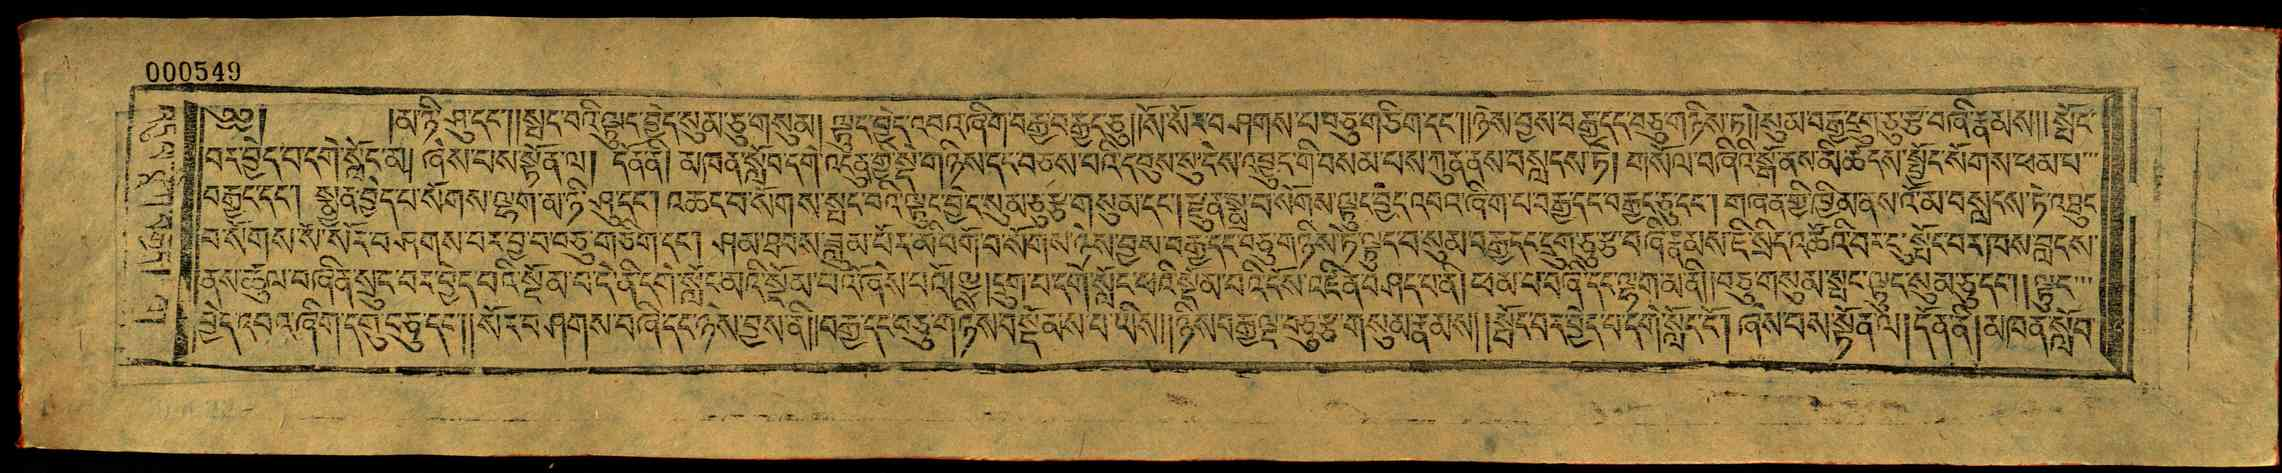༄༅། །མ་ཉི་ཤུ་དང་། །སྤང་བའི་ལྟུང་བྱེད་སུམ་ཅུ་གསུམ། ལྟུང་བྱེད་འབའ་ཞིག་བརྒྱ་བརྒྱད་ཅུ། །སོ་སོར་བཤགས་པ་བཅུ་གཅིག་དང་། །ཉེས་བྱས་བརྒྱ་དང་བཅུ་གཉིས་ཏེ། །སུམ་བརྒྱ་དྲུག་ཅུ་རྩ་བཞི་རྣམས། །སྤོང་
བར་བྱེད་པ་དགེ་སློང་མ། ཞེས་པས་སྟོན་ལ། དོན་ནི། མཁན་སློབ་དགེ་འདུན་གྱི་སྡེ་གཉིས་དང་བཅས་པའི་དབུས་སུ་ངེས་འབྱུང་གི་བསམ་པས་ཀུན་ནས་བསླངས་ཏེ། གསོལ་བཞིའི་སྒོ་ནས་མི་ཚངས་སྤྱོད་སོགས་ཕམ་པ་
བརྒྱད་དང་། སྨྱན་བྱེད་པ་སོགས་ལྷག་མ་ཉི་ཤུ་དང་། འཆང་བ་སོགས་སྤང་བའི་ལྟུང་བྱེད་སུམ་ཅུ་རྩ་གསུམ་དང་། རྫུན་སྨྲ་བ་སོགས་ལྟུང་བྱེད་འབའ་ཞིག་པ་བརྒྱ་དང་བརྒྱད་ཅུ་དང་། གཞན་གྱི་ཁྱིམ་ནས་འོ་མ་བསླངས་ཏེ་འཐུང་
བ་སོགས་སོ་སོར་བཤགས་པར་བྱ་བ་བཅུ་གཅིག་དང་། ཤམ་ཐབས་ཟླུམ་པོར་མི་བགོ་བ་སོགས་ཉེས་བྱས་བརྒྱ་དང་བཅུ་གཉིས་ཏེ་ལྟུང་བ་སུམ་བརྒྱ་དང་དྲུག་ཅུ་རྩ་བཞི་རྣམས་ཇི་སྲིད་འཚོའི་བར་དུ་སྤོང་བར་ཁས་བླངས་
ནས་ཚུལ་བཞིན་སྲུང་བར་བྱེད་པའི་སྡོམ་པ་དེ་ནི་དགེ་སློང་མའི་སྡོམ་པའོ་ཞེས་པའོ། ༈ །དྲུག་པ་དགེ་སློང་ཕའི་སྡོམ་པའི་ངོས་འཛིན་བཤད་པ་ནི། ཕམ་པ་བཞི་དང་ལྷག་མ་ནི། བཅུ་གསུམ་སྤང་ལྟུང་སུམ་ཅུ་དང་། །ལྟུང་
བྱེད་འབའ་ཞིག་དགུ་བཅུ་དང་། །སོར་བཤགས་བཞི་དང་ཉེས་བྱས་ནི། །བརྒྱ་དང་བཅུ་གཉིས་བསྡོམས་པ་ཡིས། །ཉིས་བརྒྱ་ལྔ་བཅུ་རྩ་གསུམ་རྣམས། །སྤོང་བར་བྱེད་པ་དགེ་སློང་ངོ། ཞེས་པས་སྟོན་ལ། དོན་ནི། མཁན་སློབ་